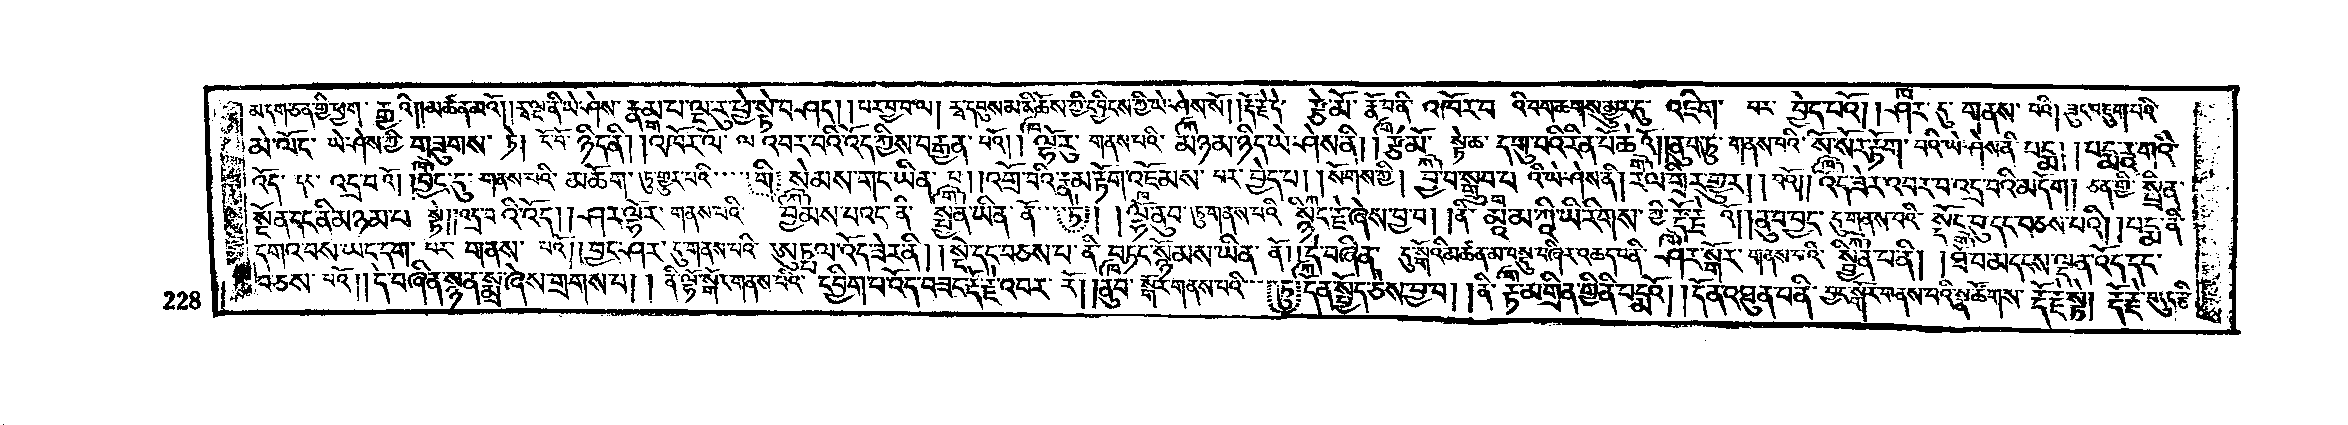མདོག་ཅན་གྱི་ཕྱག་རྒྱའི། །མཚན་མའོ། །རྭ་ལྔ་ནི་ཡེ་ཤེས་རྣམ་པ་ལྔ་རུ་ཕྱེ་སྟེ་བཤད། ། པར་བྱ་བ་ལ། རྭ་དབུས་མ་མི་ཆོས་ཀྱི་དབྱིངས་ཀྱི་ཡེ་ཤེས་སོ། །རྡོ་རྗེ་དེ་རྩེ་མོ་རྣོ་བ་ནི་འཁོར་བའི་བག་ཆགས་མྱུར་དུ་འཇིག་པར་བྱེད་པའོ། །ཁ་ཤར་དུ་གནས་པའི། ཁ་ཟུང་འཇུག་པའི
མེ་ལོང་ཡེ་ཤེས་ཀྱི་གཟུགས་ཏེ། ངོ་བོ་ཉིད་ནི། །ཁ་འཁོར་ལོ་ལ་འབར་བའི་འོད་ཀྱིས་བརྒྱན་པའོ། །ཁ྄་ལྷོ་རུ་གནས་པའི་ཀ྄་མཉམ་ཉིད་ཡེ་ཤེས་ནི། །ག྄་རྩེ་མོ་སྟེ་ཆ་དགུ་པའི་རིན་པོ་ཆེའོ། །ནུབ་ཏུ་གནས་པའི་སོ་སོར་རྟོག་པའི་ཡེ་ཤེས་ནི་པདམ། །པདམ་རཱ་གའི་
འོད་དང་འདྲ་བའོ། །ཁ྄་བྱང་དུ་གནས་པའི་མཆོག་ཏུ་གྱུར་པའི་གི་སེམས་གང་ཡིན་པ། །འགྲོ་བའི་རྣམ་རྟོག་འཇོམས་པར་བྱེད་པ། ། སོགས་ཀྱི། ཀ྄་བྱ་བ་སྒྲུབ་པའི་ཡེ་ཤེས་ནི། ག྄་རལ་གྲིར་གྱུར། ། བའོ། །?ཁ྄་རལ་གྲིར་གྱུར། ། བའོ། །?ཁ྄་འོད་ཟེར་འབར་བ་འདྲ་བའི་མདོག ། ཅན་གྱི་སྤྲིན་
སྔོན་དང་ནི་མཉམ་པ་སྟེ། །འདྲ་བའི་འོད། །ཤར་ལྷོར་གནས་པའི་?ཀ྄་བྱམས་པའང་ནི་?ག྄་སྤྱན་ཡིན་ནོ་ཏེ། །ལྷོ་ནུབ་ཏུ་གནས་པའི་སྙིང་ཀ་རྗེ་ཞེས་བྱ་བ། ། ནི་ག་མཱ་མ་ཀཱི་ཡི་རིགས་ཀྱི་རྡོ་རྗེའོ། །ནུབ་བྱང་དུ་གནས་པའི་སྡོང་བུ་དང་བཅས་པའི། །པདམ་ནི་
དགའ་བས་ཡང་དག་པར་གནས་པའོ། །བྱང་ཤར་དུ་གནས་པའི་ཨུཏྤལ་འོད་ཟེར་ནི། །སྡེ་དང་བཅས་པ་ནི་བཏང་སྙོམས་ཡིན་ནོ། །དེ་བཞིན་དུ་སྒོའི་མཚན་མ་བསྡུ་བཞིར་འཆད་པ་ནི་ཁ྄་ཤར་སྒོར་གནས་པའི་སྦྱིན་ཀ྄་པ་ནི། །ག྄་ཐོ་བ་མདངས་ལྡན་འོད་དང་
བཅས་པའོ། །དེ་བཞིན་སྙན་སྲྨ་ཞེས་གྲགས་པ། ། ནི་ལྷོ་སྒོར་གནས་པའི་དབྱིག་པ་འོད་བཟང་རྡོ་རྗེ་འབར་རོ། །?ཁ་ནུབ་སྒོར་གནས་པའི་ཏུ་?ཀ་དོན་སྤྱོད་ཅེས་བྱ་བ། ། ནི་?ག་རྟ་མགྲིན་གྱི་ནི་པདམའོ། །དོན་འཐུན་པ་ནི་བྱང་སྒོར་གནས་པའི་སྣ་ཚོགས་རྡོ་རྗེ་སྟེ། རྡོ་རྗེ་བདུད་རྩི་